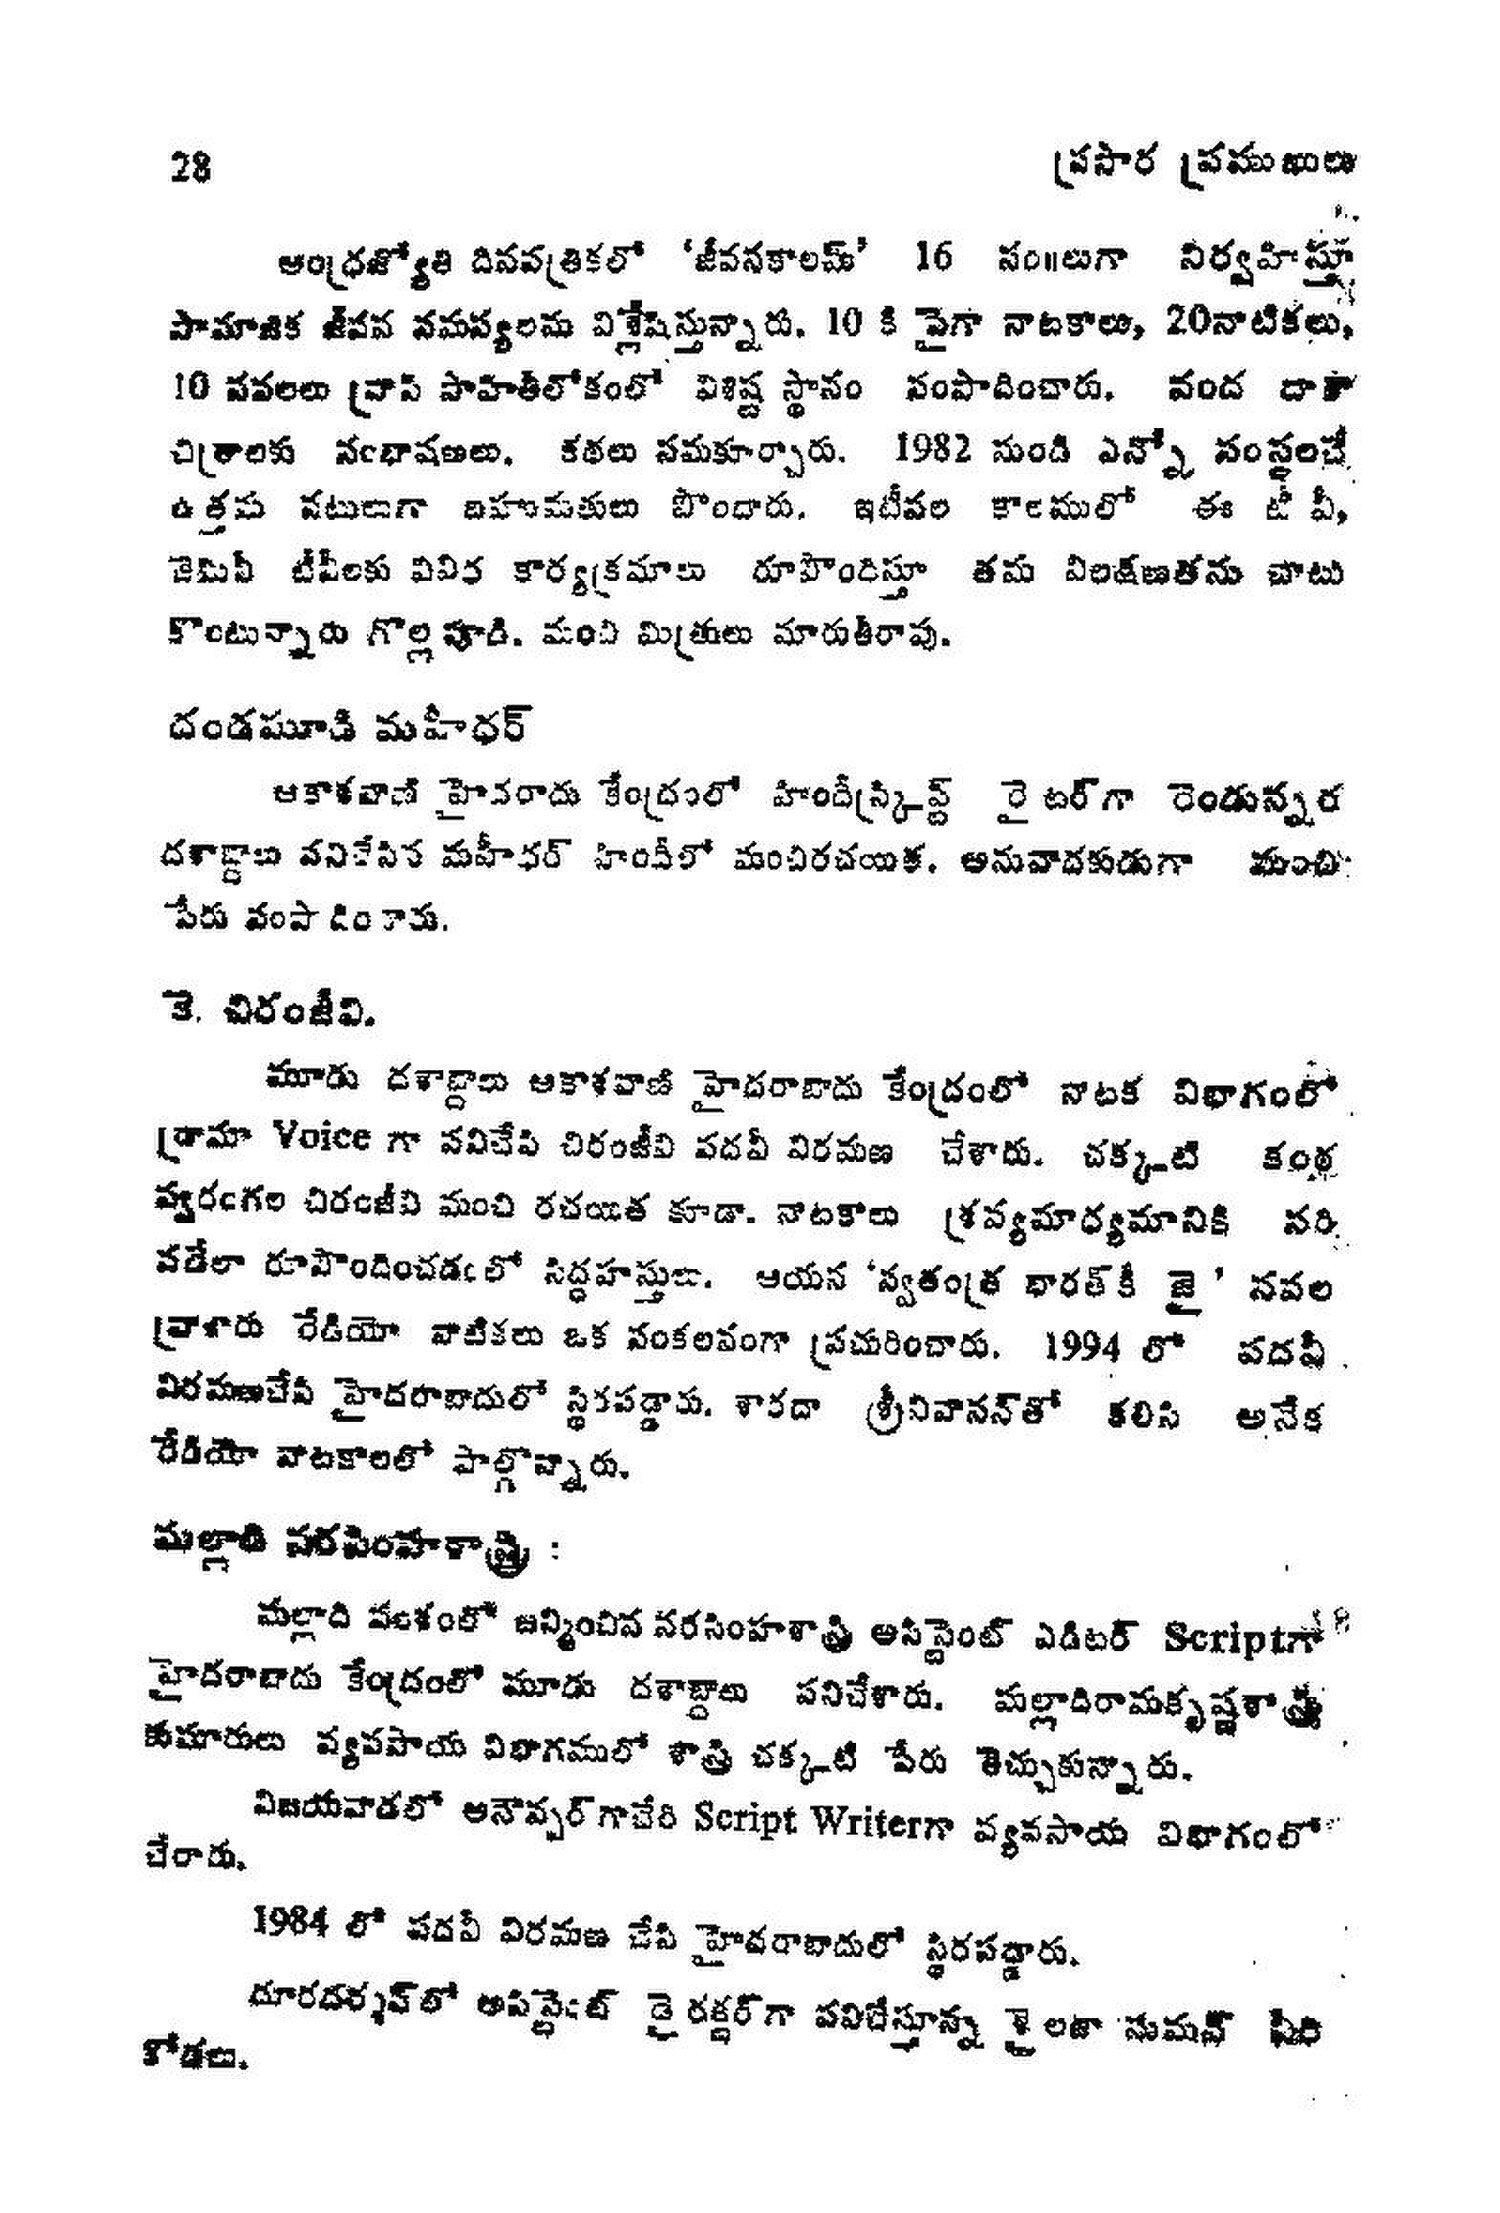ఆంధ్రజ్యోతి దినపత్రికలో 'జీవనకాలమ్' 16 సంవత్సరాలుగా నిర్వహిస్తూ సామాజిక జీవన సమస్యలను విశ్లేషిస్తున్నారు. 10 కి పైగా నాటకాలు, 20 నాటికలు, 10 నవలలు వ్రాసి సాహితిలోకంలో విశిష్ట స్థానం సంపాదించారు. వంద దాకా చిత్రాలకు సంభాషణలు. కథలు సమకూర్చారు. 1982 నుండి ఎన్నో సంస్థలచే ఉత్తమ నటులుగా బహుమతులు పొందారు. ఇటీవల కాలములో ఈ టీవి జెమినీ టీవీలకు వివిధ కార్య క్రమాలు రూపొందిస్తూ తమ విలక్షతను చాటుకొంటున్నారు గొల్లపూడి. మంచి మిత్రులు మారుతీరావు.

ఆకాశవాణి హైదరాబాదు కేంద్రములో హిందీ స్క్రిప్ట్ రైటర్ గా రెండున్న దశాబ్దాలుగా పనిచేసిన మహీధర్ హిందీలో మంచి రచయిత. అనువాదకు/డుగా మంచి పేరు సంపాదించారు.

మూడు దశాబ్దాలు ఆకాశవాణి హైదరాబాదు కేంద్రంలో నాటక విభాగంలో డ్రామ Voice గా పనిచేసి చిరంజీవి పదవీ విరమణ చేశారు. చక్కటి కంఠ స్వరం గల చిరంజీవి మంచి రచయిత కూడా. నాటకాలు శ్రవ్య మాధ్యమానికి సరి పడేలా రూపొందించడములో సిద్ధహస్తులు. ఆయన 'స్వతంత్ర భారత్ కీ జై' నవల వ్రాశారు. రేడియో నాటికలు ఒక సంకలనంగా ప్రచురించారు. 1994 లో పదవీ విరమణ చేసి హైదరాబాదులో స్థిరపడ్డారు. శారదా శ్రీనివాసన్తో కలిసి అనేక రేడియో నాటకాలలో పాల్గొన్నారు.

మల్లాది వంశంలో జన్మించిన నరసింహశాస్త్రి అసిస్టెంటు ఎడిటర్ Srciptగా హైదరాబాదు కేంద్రంలో మూడు దశాబ్దాలుగా పనిచేశారు. మల్లాది రామకృష్ణశాస్త్రి కుమారులు వ్వవసాయ విభాగములో శాస్త్రి చక్కటి పేరు తెచ్చుకున్నారు.

విజయవాడలో అనౌన్సర్ గా చేరి స్క్రిప్ట్ రైటర్ గా వ్యవసాయ విభాగములో చేరారు.

1984 లో పదవీ విరమణ చేసి హైదరాబాదులో స్థిరపడ్డారు.

దూరదర్శన్ లో అసిస్టెంటు డైరెక్టర్ గా పని చేస్తూన్న శైలజా సుమన్ వీరి కోడలు.

.